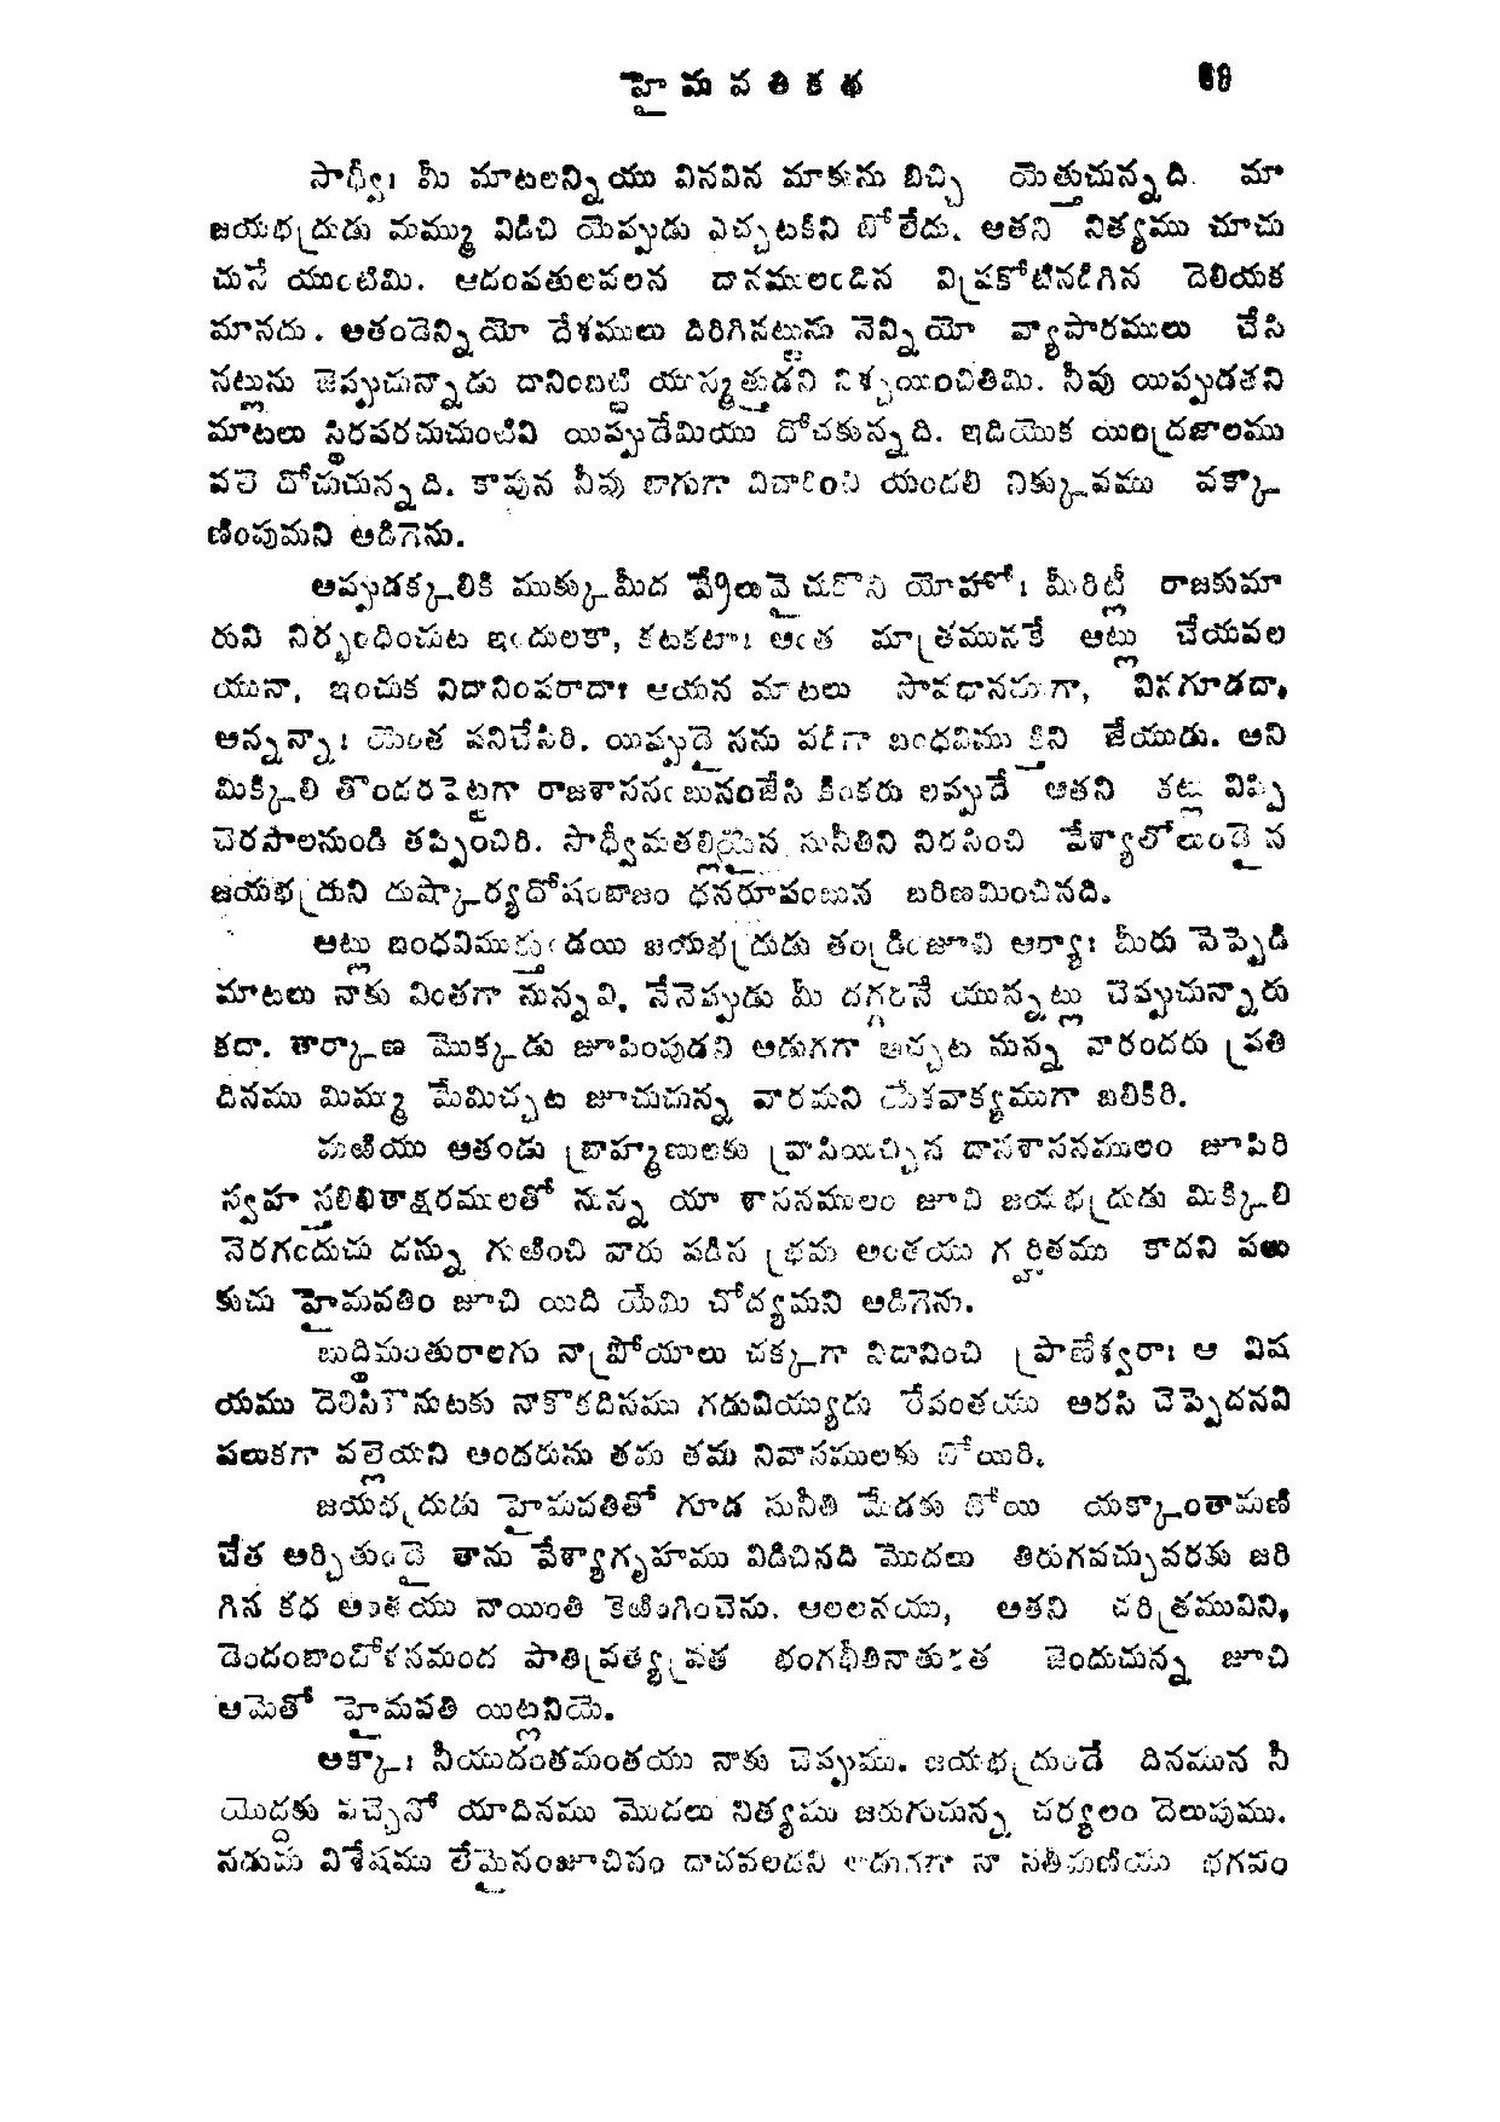సాధ్వీ! మీ మాటలన్నియు వినవిన మాకును బిచ్చి యెత్తుచున్నది. మా జయభద్రుడు మమ్ము విడిచి యెప్పుడు ఎచ్చటకిని బోలేదు. ఆతని నిత్యము చూచుచునే యుంటిమి. ఆదంపతులవలన దానములందిన విప్రకోటి నడిగిన దెలియక మానదు . అతండెన్నియో దేశములు దిరిగినట్టును నెన్నియో వ్యాపారములు చేసినట్లును జెప్పుచున్నాడు దానింబట్టి యున్మత్తుడని నిశ్చయించితిమి. నీవు యిప్పు డతని మాటలు స్థిరపరచుచుంటివి యిప్పుడేమియు దోచకున్నది. ఇదియొక యింద్రజాలమువలె దోచుచున్నది. కావున నీవు బాగుగా విచారించి యందలి నిక్కువము వక్కాణింపుమని అడిగెను.

అప్పు డక్కలికి ముక్కు మీద వ్రేలువైచుకొని యోహో! మీరిట్లీ రాజకుమారుని నిర్బంధించుట ఇందులకా, కటకటా! అంత మాత్రమునకే అట్లు చేయవలయునా. ఇంచుక నిదానింపరాదా? ఆయన మాటలు సావధానముగా, వినగూడదా, అన్నన్నా! యెంత పనిచేసిరి. యిప్పుడైనను వడిగా బంధవిముక్తిని జేయుడు. అని మిక్కిలి తొందరపెట్టగా రాజశాసనంబునంజేసి కింకరు లప్పుడే ఆతని కట్లు విప్పి
చెరసాలనుండి తప్పించిరి. సాధ్వీమతల్లియైన సునీతిని నిరసించి వేశ్యాలోలుండైన జయభద్రుని దుష్కార్యదోషంబాజం ధనరూపంబున బరిణమించినది.

అట్లు బంధవిముక్తుడయి జయభద్రుడు తండ్రింజూచి ఆర్యా! మీరు సెప్పెడి మాటలు నాకు వింతగా నున్నవి. నేనెప్పుడు మీ దగ్గరనే యున్నట్లు చెప్పుచున్నారు కదా. తార్కాణ మొక్కడు జూపింపుడని అడుగగా అచ్చట నున్న వారందరు ప్రతి దినము మిమ్ము మేమిచ్చట జూచుచున్న వారమని యేకవాక్యముగా బలికిరి.

మఱియు ఆతండు బ్రాహ్మణులకు వ్రాసియిచ్చిన దానశాసనములం జూపిరి స్వహస్తలిఖితాక్షరములతో నున్న యా శాసనములం జూచి జయభద్రుడు మిక్కిలి వెరగందుచు దన్ను గుఱించి వారు పడిన భ్రమ అంతయు గర్హితము కాదని పలుకుచు హైమవతిం జూచి యిది యేమి చోద్యమని అడిగెను.

బుద్ధిమంతురాలగు నాప్రోయాలు చక్కగా నిదానించి ప్రాణేశ్వరా! ఆ విషయము దెలిసికొనుటకు నాకొకదినము గడువియ్యుడు రేపంతయు అరసి చెప్పెదనవి పలుకగా వల్లెయని అందరును తమ తమ నివాసములకు బోయిరి.

జయభద్రుడు హైమవతితో గూడ సునీతి మేడకు బోయి యక్కాంతామణిచేత అర్చితుండై తాను వేశ్యాగృహము విడిచినది మొదలు తిరుగవచ్చువరకు జరిగిన కధ అంతయు నాయింతి కెఱింగించెను. ఆలలనయు, అతని చరిత్రము విని, డెందం బాందోళనమంద పాతివ్రత్యవ్రతభంగభీతి నాతురత జెందుచున్న జూచి ఆమెతో హైమవతి యిట్లనియె.

అక్కా! నీయుదంతమంతయు నాకు చెప్పుము. జయభద్రుండే దినమున నీ యొద్దకు వచ్చెనో యాదినము మొదలు నిత్యము జరుగుచున్న చర్యలం దెలుపుము. నడుమ విశేషము లేమైనంజూచినం దాచవలదని అడుగగా నా సతీమణియు భగవం